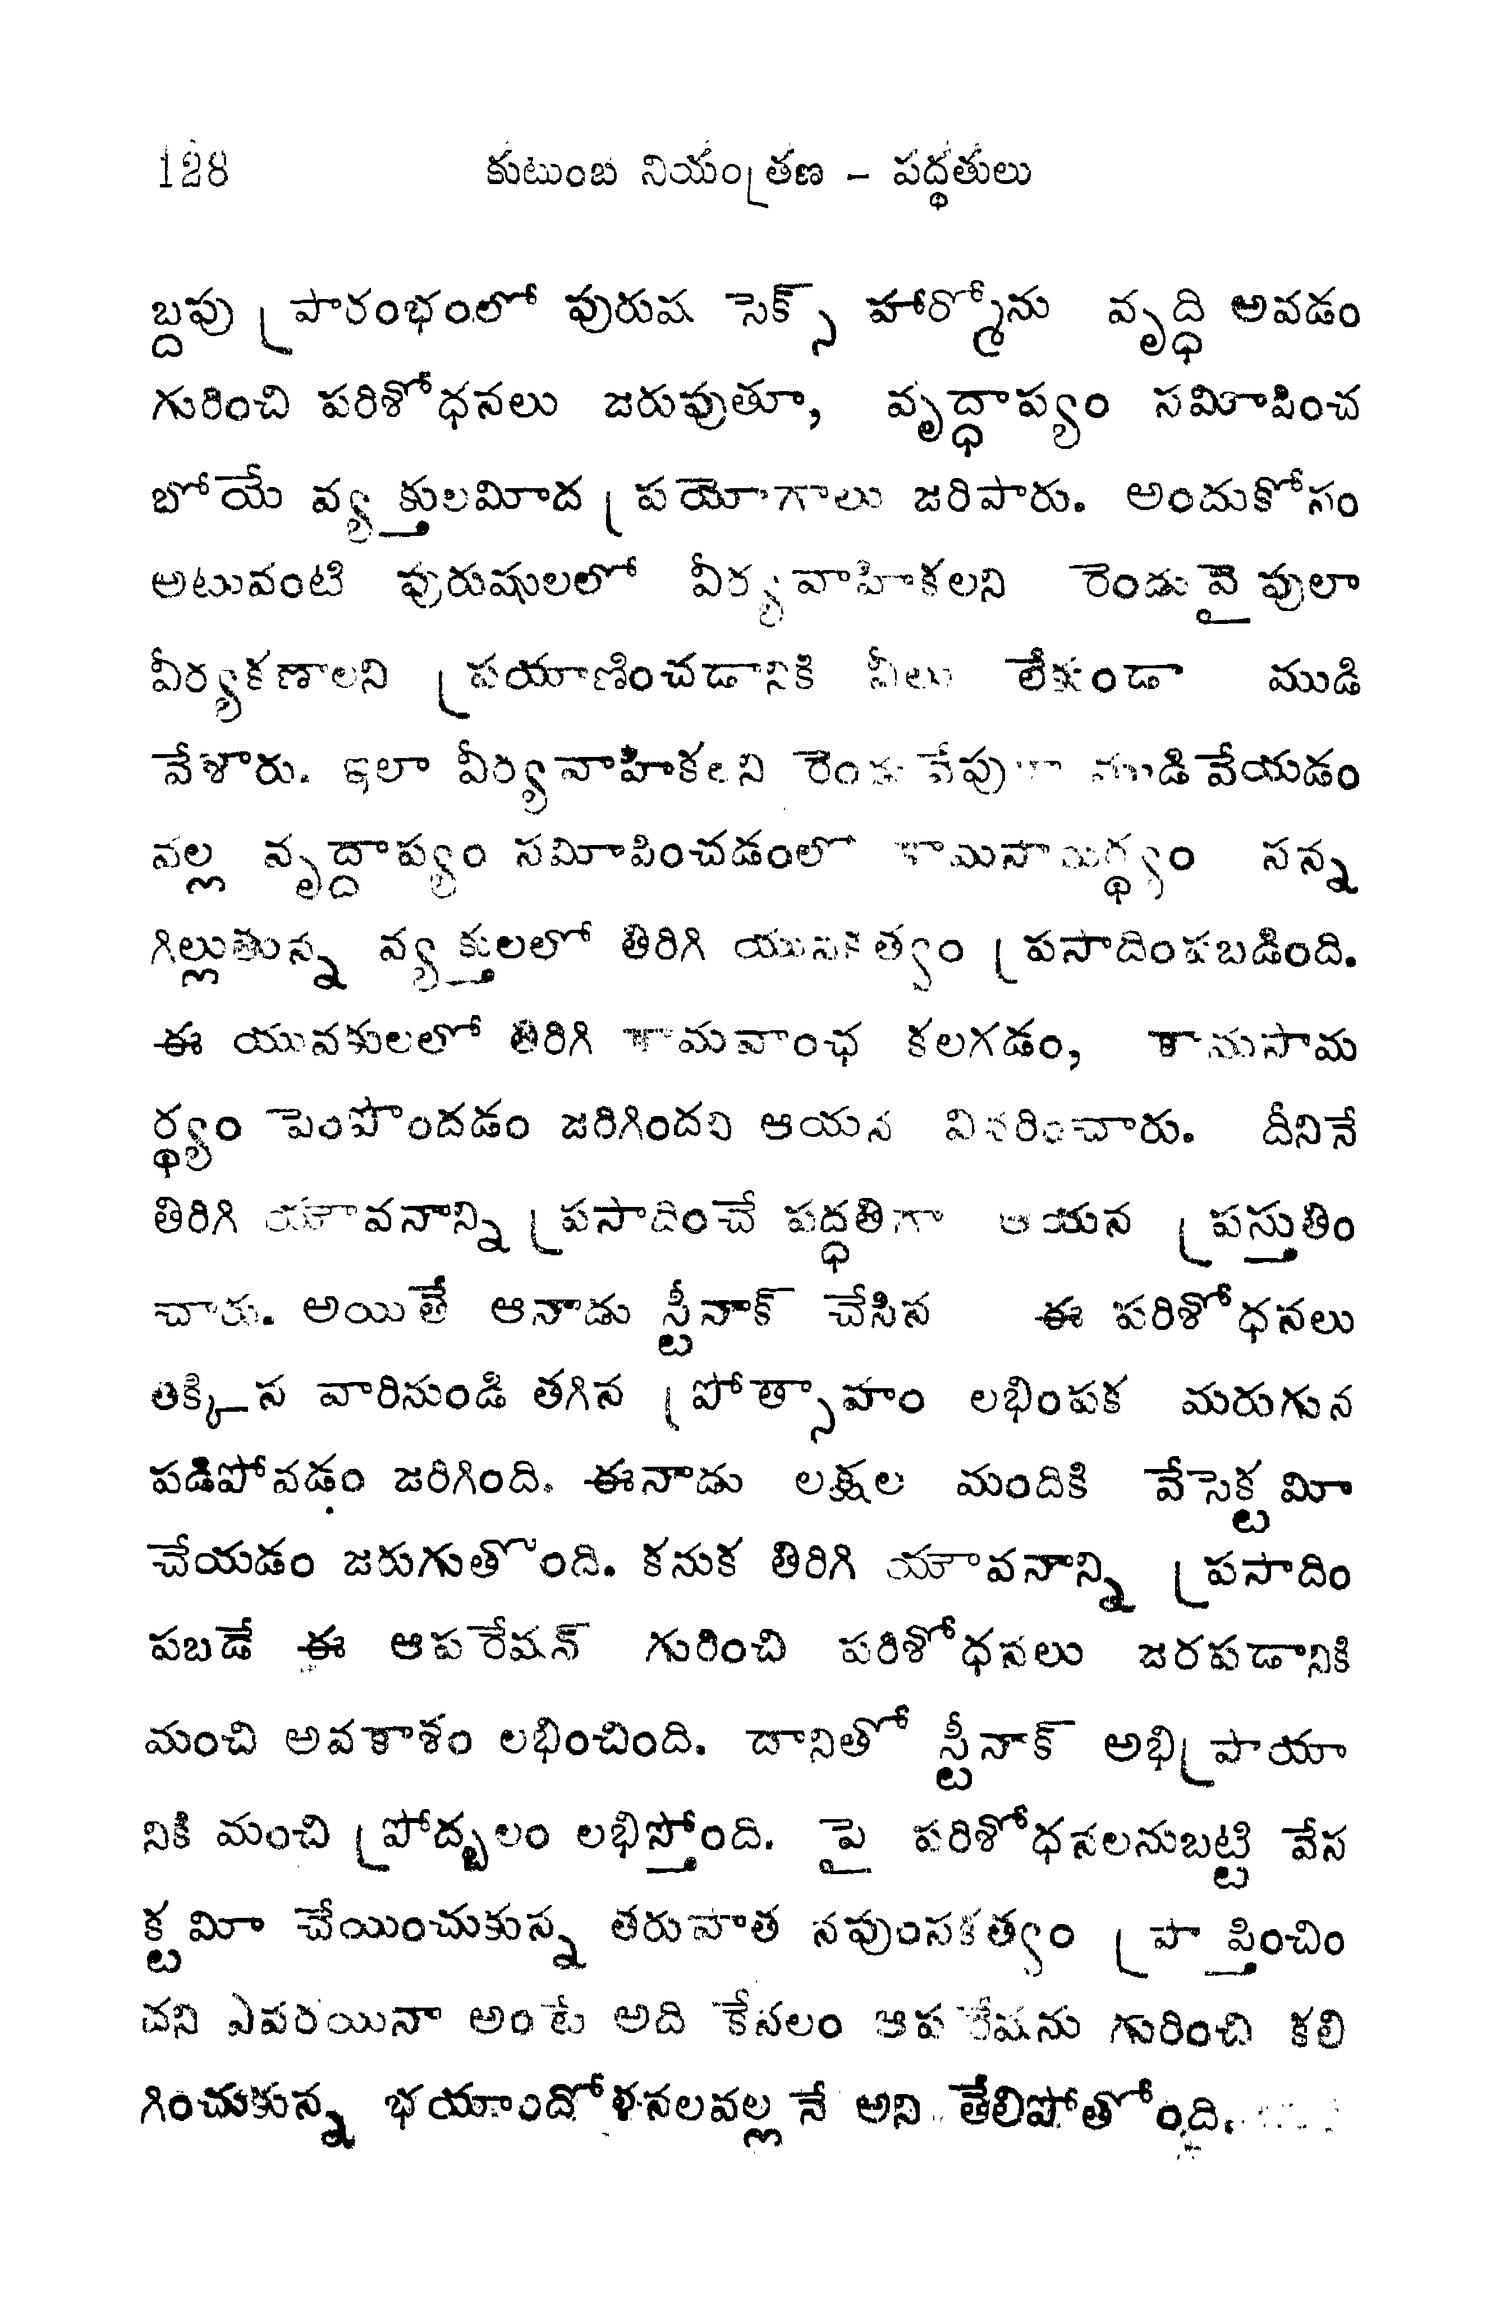బ్దపు ప్ర్రారంభంలో పురుష సెక్స్ హార్మోను వృద్ధి అవడం గురించి పరిశోధనలు జరుపుతూ, వృద్ధాప్యం సమీపించబోయే వ్యక్తులమీద ప్రయోగాలు జరిపారు. అందుకోసం అటువంటి పురుషులలో వీర్యవాహికలని రెండువైపులా వీర్యకణాలని ప్రయాణించడానికి వీలు లేకుండా ముడివేశారు. ఇలా వీర్యవాహికలని రెండు వేపులా ముడివేయడం వల్ల వృద్దాప్యం సమీపించడంలొ కామసామర్ధ్యం సన్నగిల్లుతున్న వ్యక్తులలో తిరిగి యువకత్వం ప్రసాదింపబడింది. ఈ యువకులలో తిరిగి కామవాంఛ కలగడం, కామసామర్ధ్య్హం పెంపొందడం జరిగిందని ఆయన వివరించారు. దీనెనే తిరిగి యౌవనాన్ని ప్రసాదించే పద్ధతిగా ఆయన ప్రస్తుతించారు. అయితే ఆనాడు స్టీనాక్ చేసిన ఈ పరిశోధనలు తక్కిన వారినుండి తగిన ప్రోత్సాహం లంబించక మరుగున పడిపోవడం జరిగింది. ఈ నాడు లక్షల మందికి వేసెక్టమీ చేయడం జరుగుతొంది. కనుక తిరిగి యౌవనాన్ని ప్రసాదింపబడే ఈ ఆపరేషన్ గురించి పరిశోధనలు జరపడానికి మంచి అవకాశం లభించింది. దానితో స్టీనాక్ అభిప్రాయానికి మంచి ప్రొద్బలం లభిస్తోంది. పై పరిశోధనలనుబట్టి వేసక్టమీ చేయించుకున్న తరువాత నపుంసకత్వం ప్రాప్తించిందని ఎవరయినా అంటే అది కేవలం ఆపరేషను గురించి కలిగించుకున్న భయాందోళనలవల్లనే అని తేలిపోతోంది.